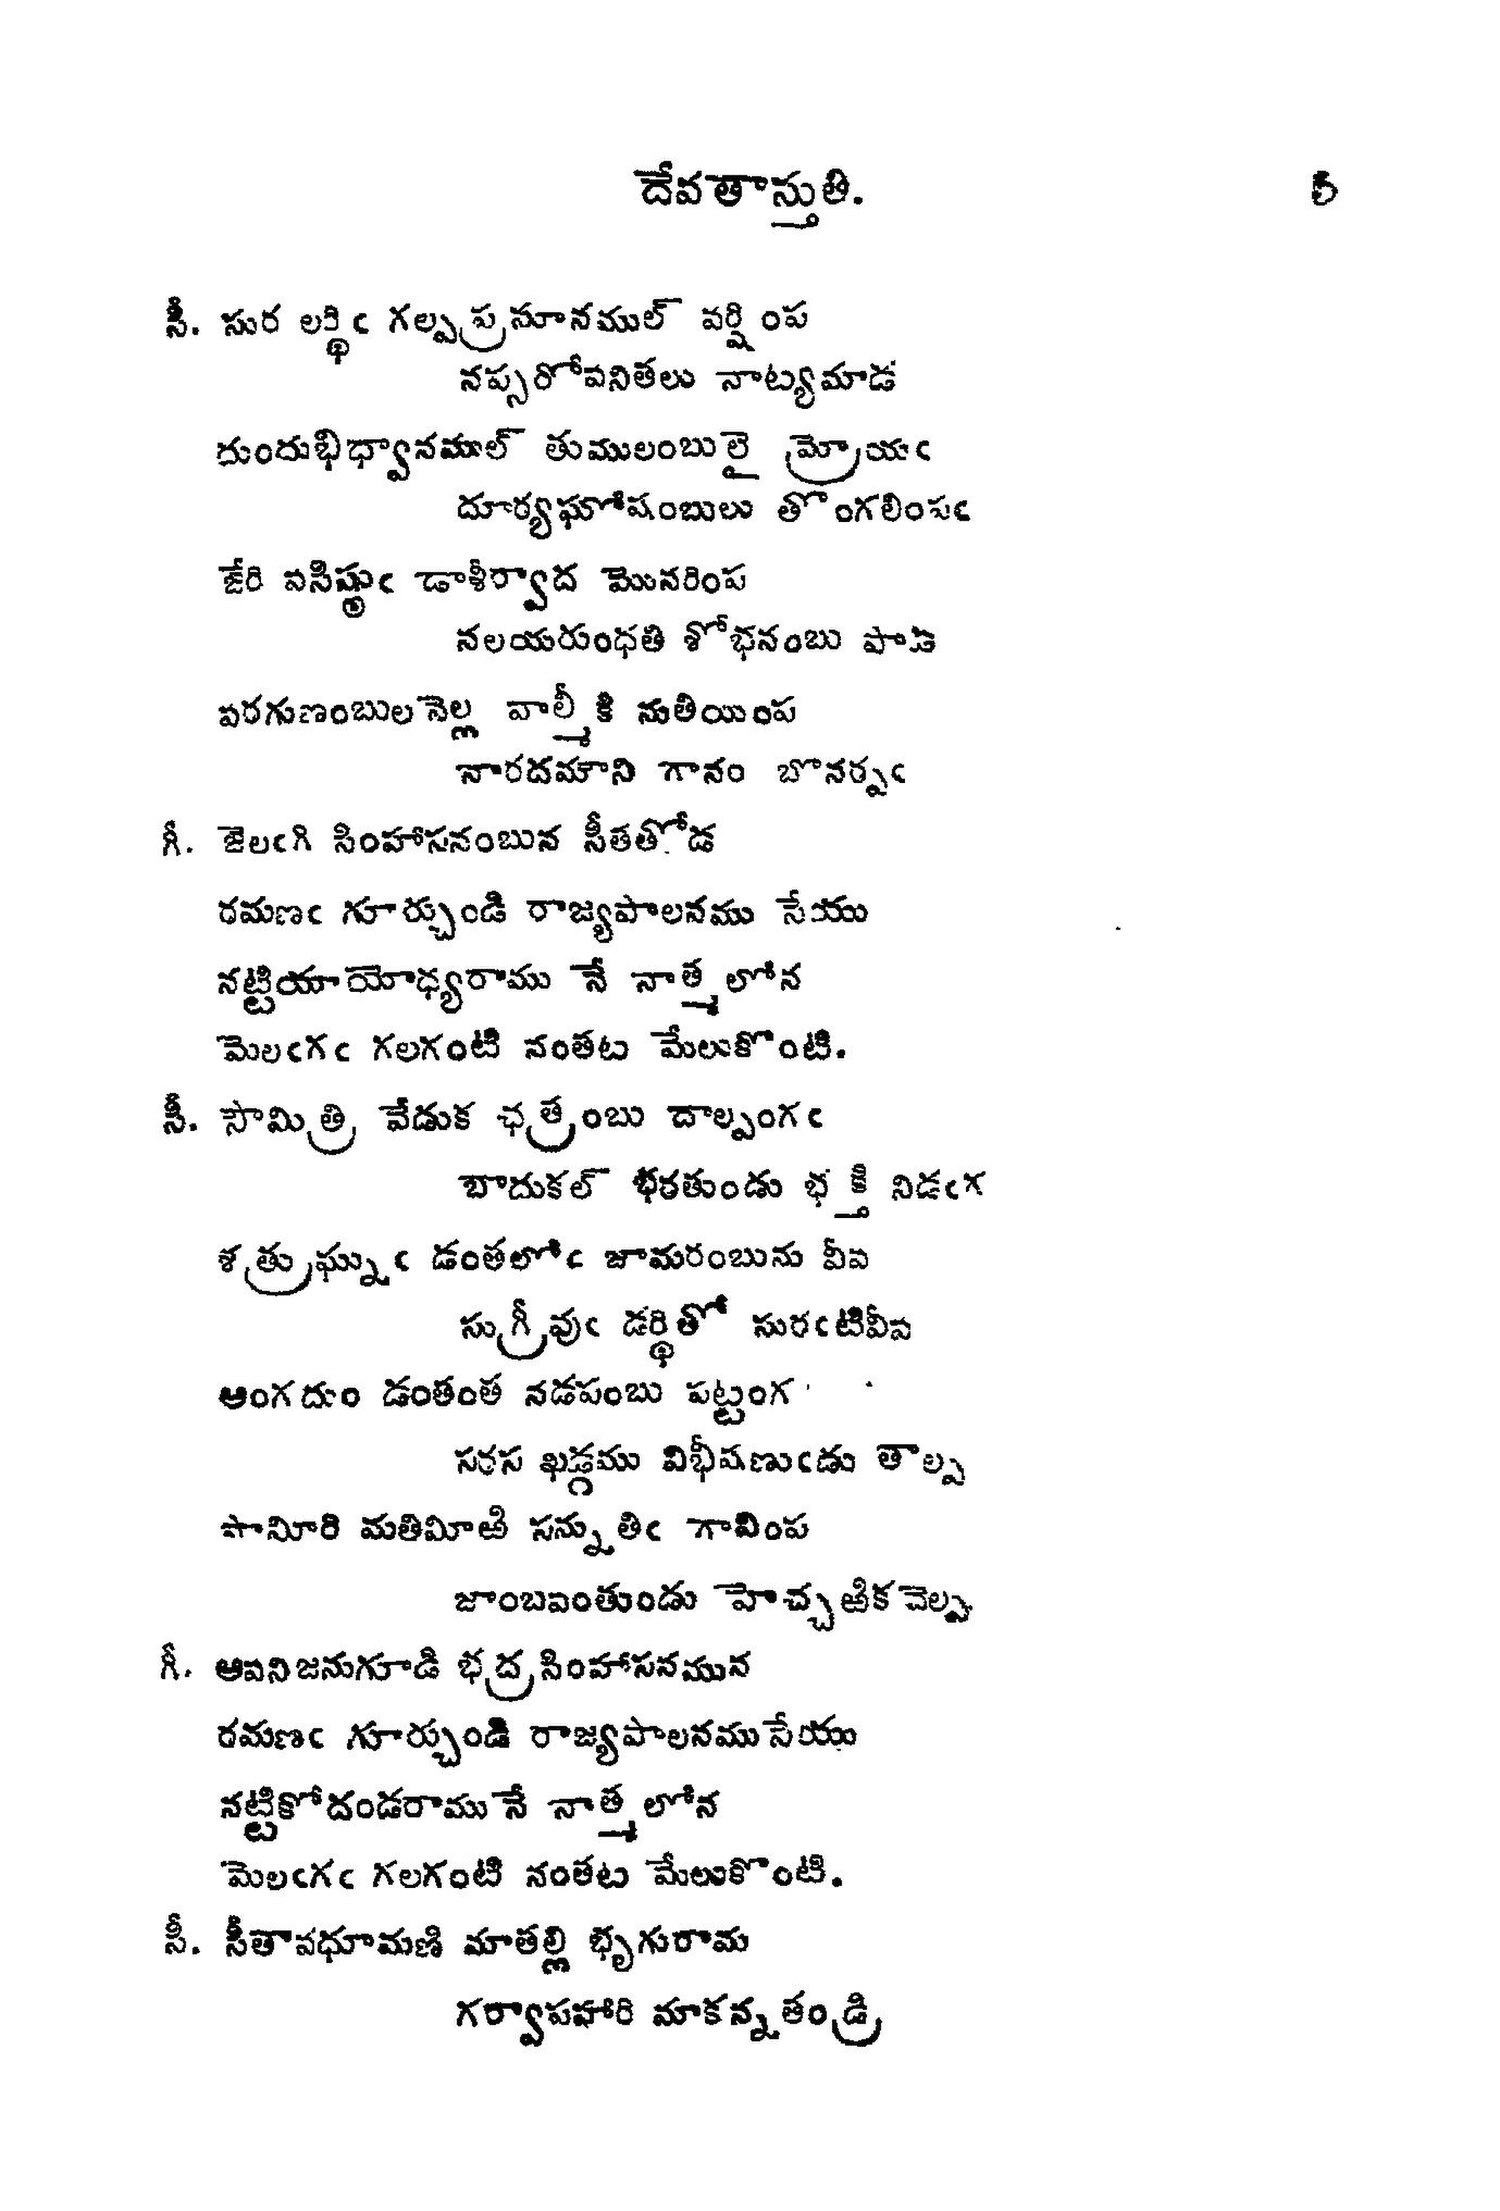సీ. సుర లర్థిఁ గల్పప్రసూనముల్ వర్షింప
 నప్సరోవనితలు నాట్యమాడ
 దుందుభిధ్వానముల్ తుములంబులై మ్రోయ
 దూర్యఘోషంబులు తొంగలింపఁ
 జేరి వసిష్ఠుఁ డాశీర్వాద మొనరింప
 నల యరుంధతి శోభనంబు పాడ
 వరగుణంబులనెల్ల వాల్మీకి నుతియింప
 నారదమౌని గానం బొనర్పఁ
గీ. జెలఁగి సింహాసనంబున సీతతోడ
 రమణఁ గూర్చుండి రాజ్యపాలనము సేయు
 నట్టియాయోధ్యరాము నే నాత్మలోన
 మెలఁత! కలఁగంటి నంతట మేలుకొంటి.
సీ. సౌమిత్రి వేడుక ఛత్రంబు దాల్పంగఁ
 బాదుకల్ భరతుండు భక్తి నిడఁగ
 శత్రుఘ్నుఁ డంతలోఁ జామరంబును వీవ
 సుగ్రీవుఁ డర్థితో సురఁటి వీవ
 అంగదుం డంతంత నడపంబు పట్టంగ
 సరసఖడ్గము విభీషణుఁడు తాల్ప
 సామీరి మతిమీఱి సన్నుతిఁ గావింప
 జాంబవంతుండు హెచ్చఱిక దెల్ప
గీ. అవనిజను గూడి భద్రసింహాసనమున
 రమణఁ గూర్చుండి రాజ్యపాలన సేయు
 నట్టికోదండరాము నే నాత్మలోన
 మెలఁత! కలఁగంటి నంతట మేలుకొంటి.
సీ. సీతావధూమణి మాతల్లి భృగురామ
 గర్వాపహారి మా కన్నతండ్రి